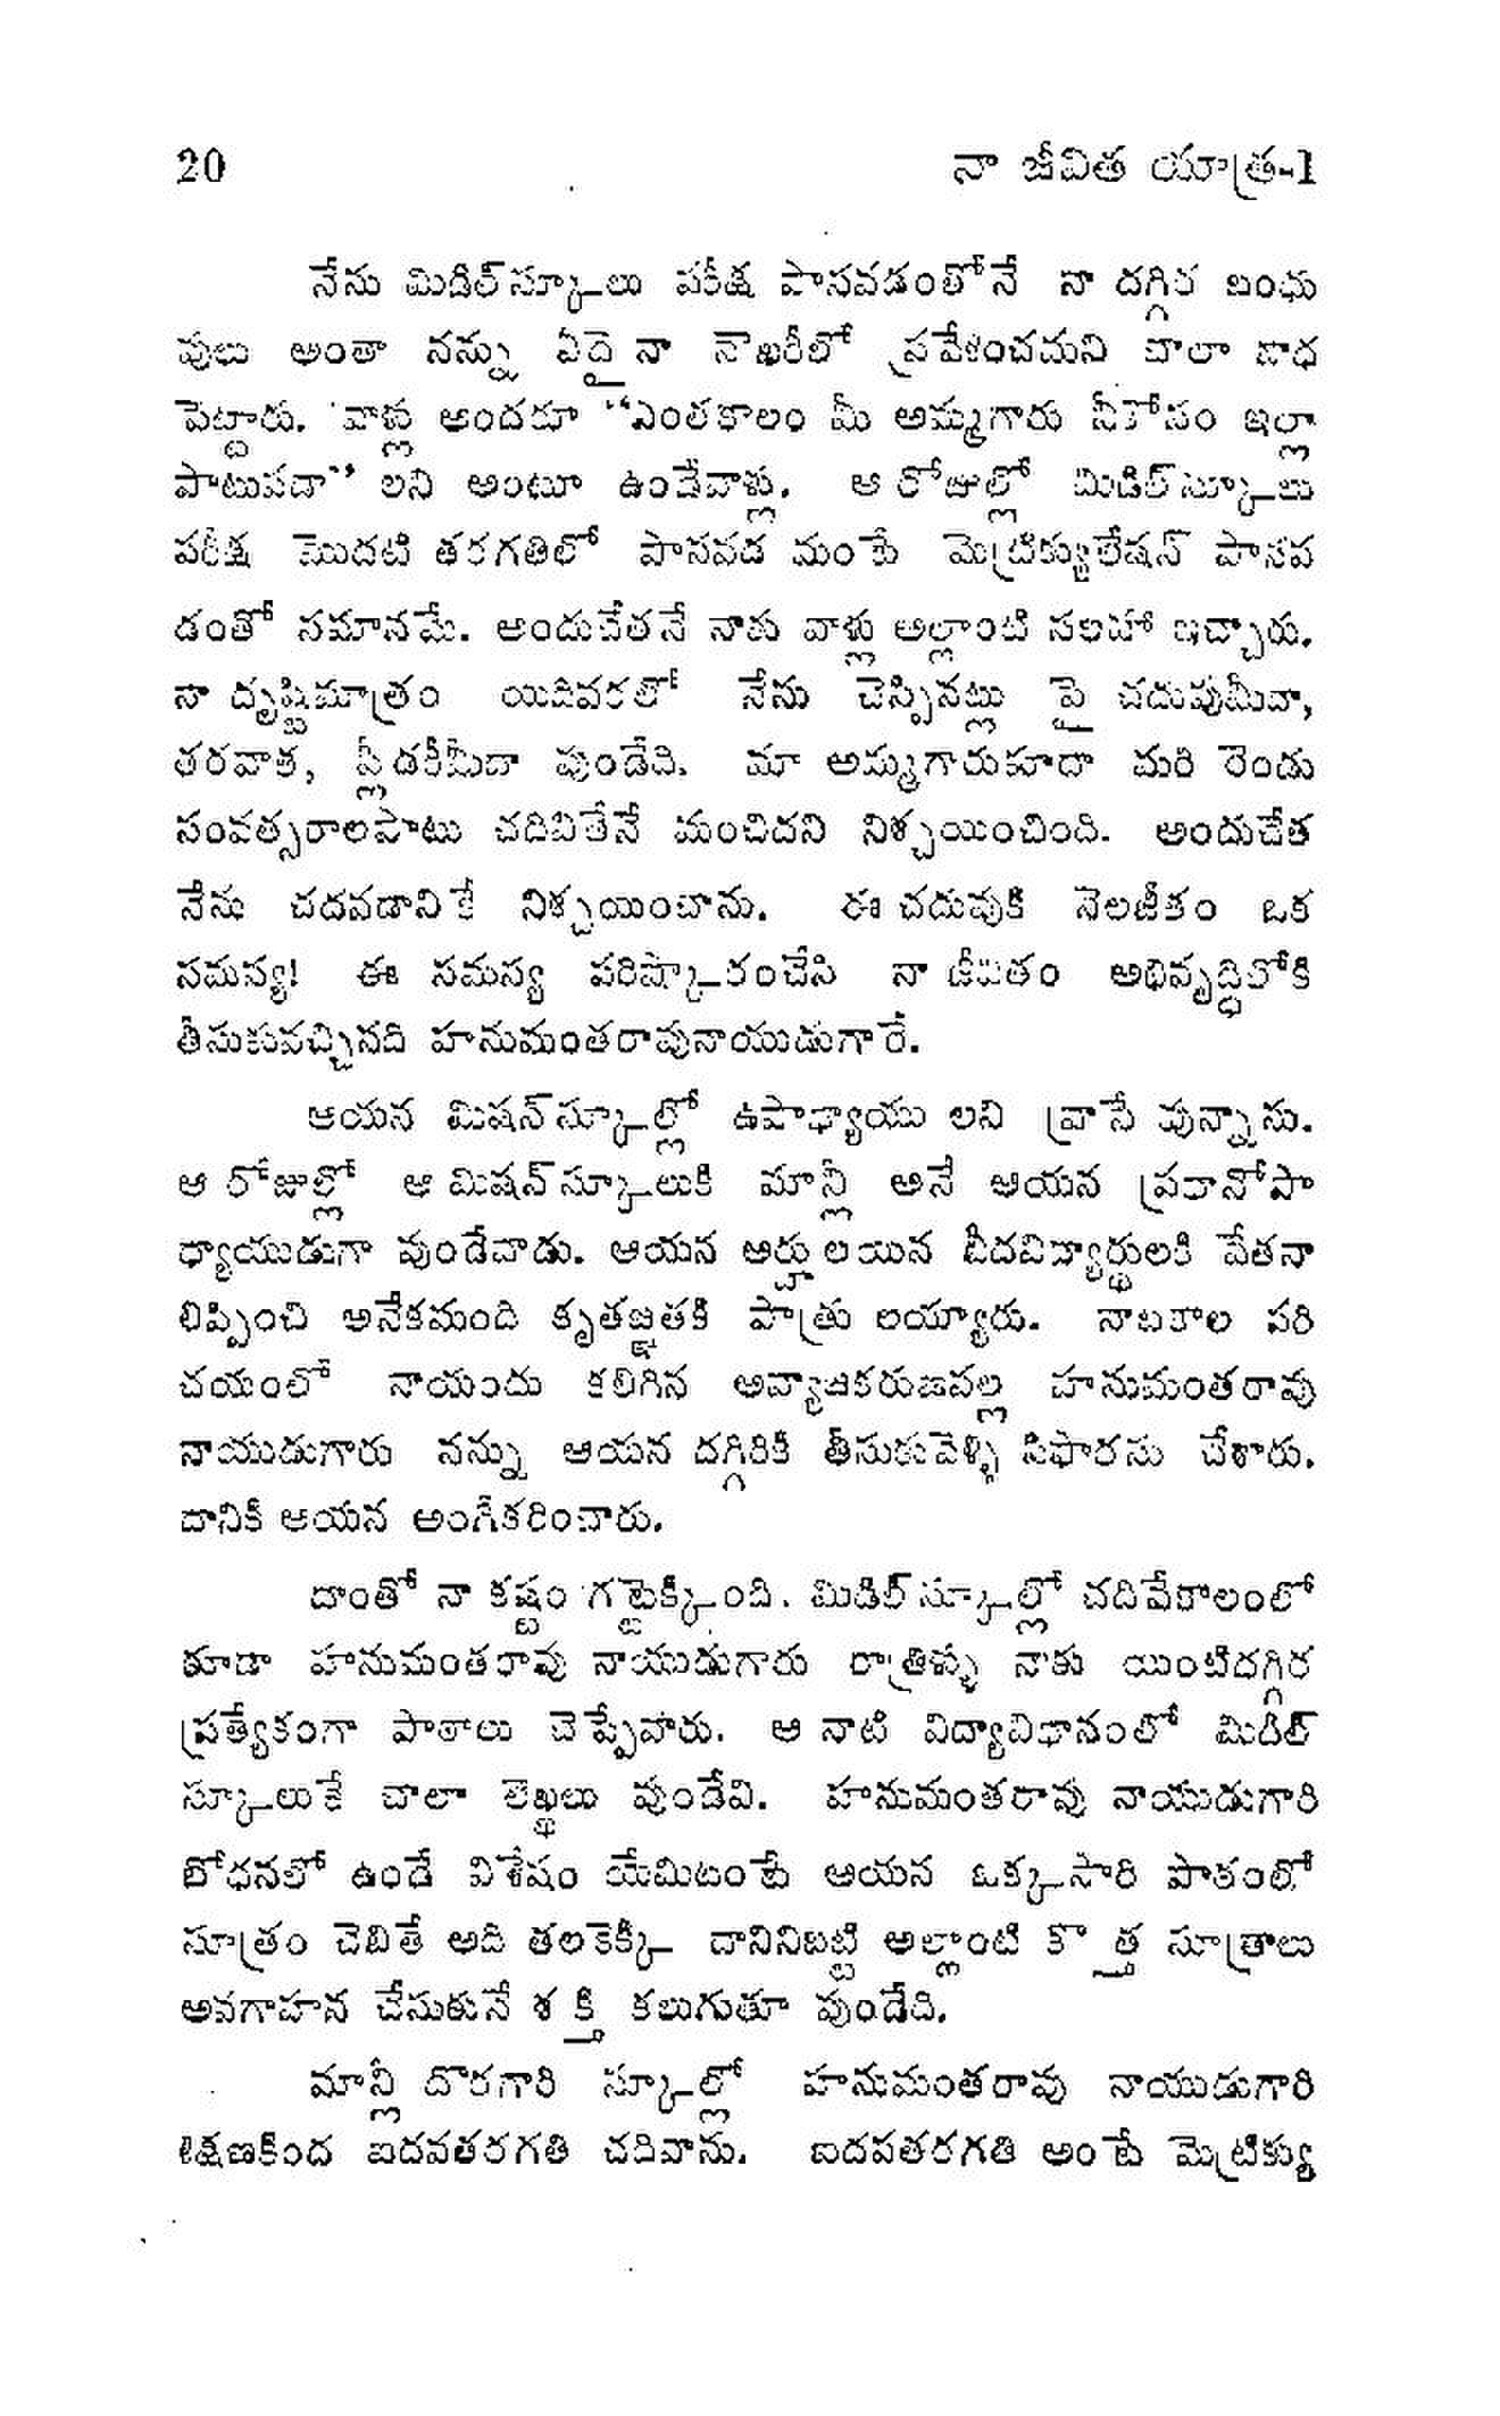లేషన్ కింద క్లాసు. ఈ రోజుల్లో వెనకటి అల్లరి చాలావరకు తగ్గింది. చదువుకి సంబంధించని పని అల్లా, ఒక నాటకాల గొడవే.

ఇంతలో వేసవికాలపు సెలవులు వచ్చాయి. అప్పటి హనుమంతరావు నాయుడుగారి కుటుంబస్థితి కొంచెం వ్రాస్తాను. అప్పటికి ఆయన బంధువులు అంతా రాజమహేంద్రవరంలో మంచి పదవుల్లో వున్నారు. ఆయన ఒక్కరూ మాత్రం యిక్కడ వున్నారు. 30 రూపాయల జీతంతో కుటుంబం గడవడమే కష్టము. అందులోనూ నాయుడుగారు డబ్బు లక్ష్యం లేకుండా ఖర్చుపెట్టే మనిషి. ఆయనకి అప్పటికి నలుగురు పిల్లలు వుండేవారు. ఇంకా ముసలితల్లి ఒక ఆవిడ వుండేది. ఆయన యింత సంసారమూ ఈదుతూ పైగా నాబోటి శిష్యుల భారం కూడా వహిస్తూ వుండేవారంటే, ఆదాయం చాలక అప్పుల్లో పడడంలో ఆశ్చర్యమేముంది.

ఆయన భార్య లక్ష్మమ్మగారు మహా ఇల్లాలు. ఆమె పచ్చని తాళిబొట్టు తప్ప మెళ్ళో యెప్పుడూ వేరే ఆభరణాలు యేవీ ధరించి యెరగదు. నాయుడుగారికి అప్పుల బాధ మితిమీరిన సమయంలో ఆమె వేసవికి రాజహేంద్రవరం పోయి తన బంధువుల్ని అందరినీ చూడాలని కోరింది. కొంత తర్జనభర్జన అయ్యాక నాయుడుగారు కూడా దానికి అంగీకరించారు. కాలవలు కట్టివేసిన రోజులవడం వల్ల నాటు బళ్ళమీద ప్రయాణం చెయ్యవలసివచ్చింది. వాళ్ళు అల్లా ప్రయాణానికి సంకల్పించుకున్నప్పుడు నాయుడుగారితో నాకు వుండుకున్న చనువును బట్టి చిరకాలంగా నా మనస్సులో వున్న కోరిక వెలిబుచ్చి, "నేనుకూడా రాజమహేంద్రవరం వస్తా" నని చెప్పాను. "మీ వాళ్ళు నాతో పంపడానికి అంగీకరించరు. నేను మళ్ళీ సెలవలు అయ్యాక వస్తానులే!" అని నాయుడుగారు అన్నారు.

నేను ఇంట్లో యీ సంగతి చెప్పినప్పుడు మావాళ్ళు నన్ను వెళ్ళవద్దని వారించారు. "అంతదూరం ఆయనతో వెళ్లడం యెందు"కని అన్నారు. కాని, నాకు రాజమహేంద్రవరం చూడాలని వున్నదనీ, వెళ్ళక తప్పదనీ పట్టుబట్టాను. మొండుపట్టు పట్టడం మనకి అలవాటే